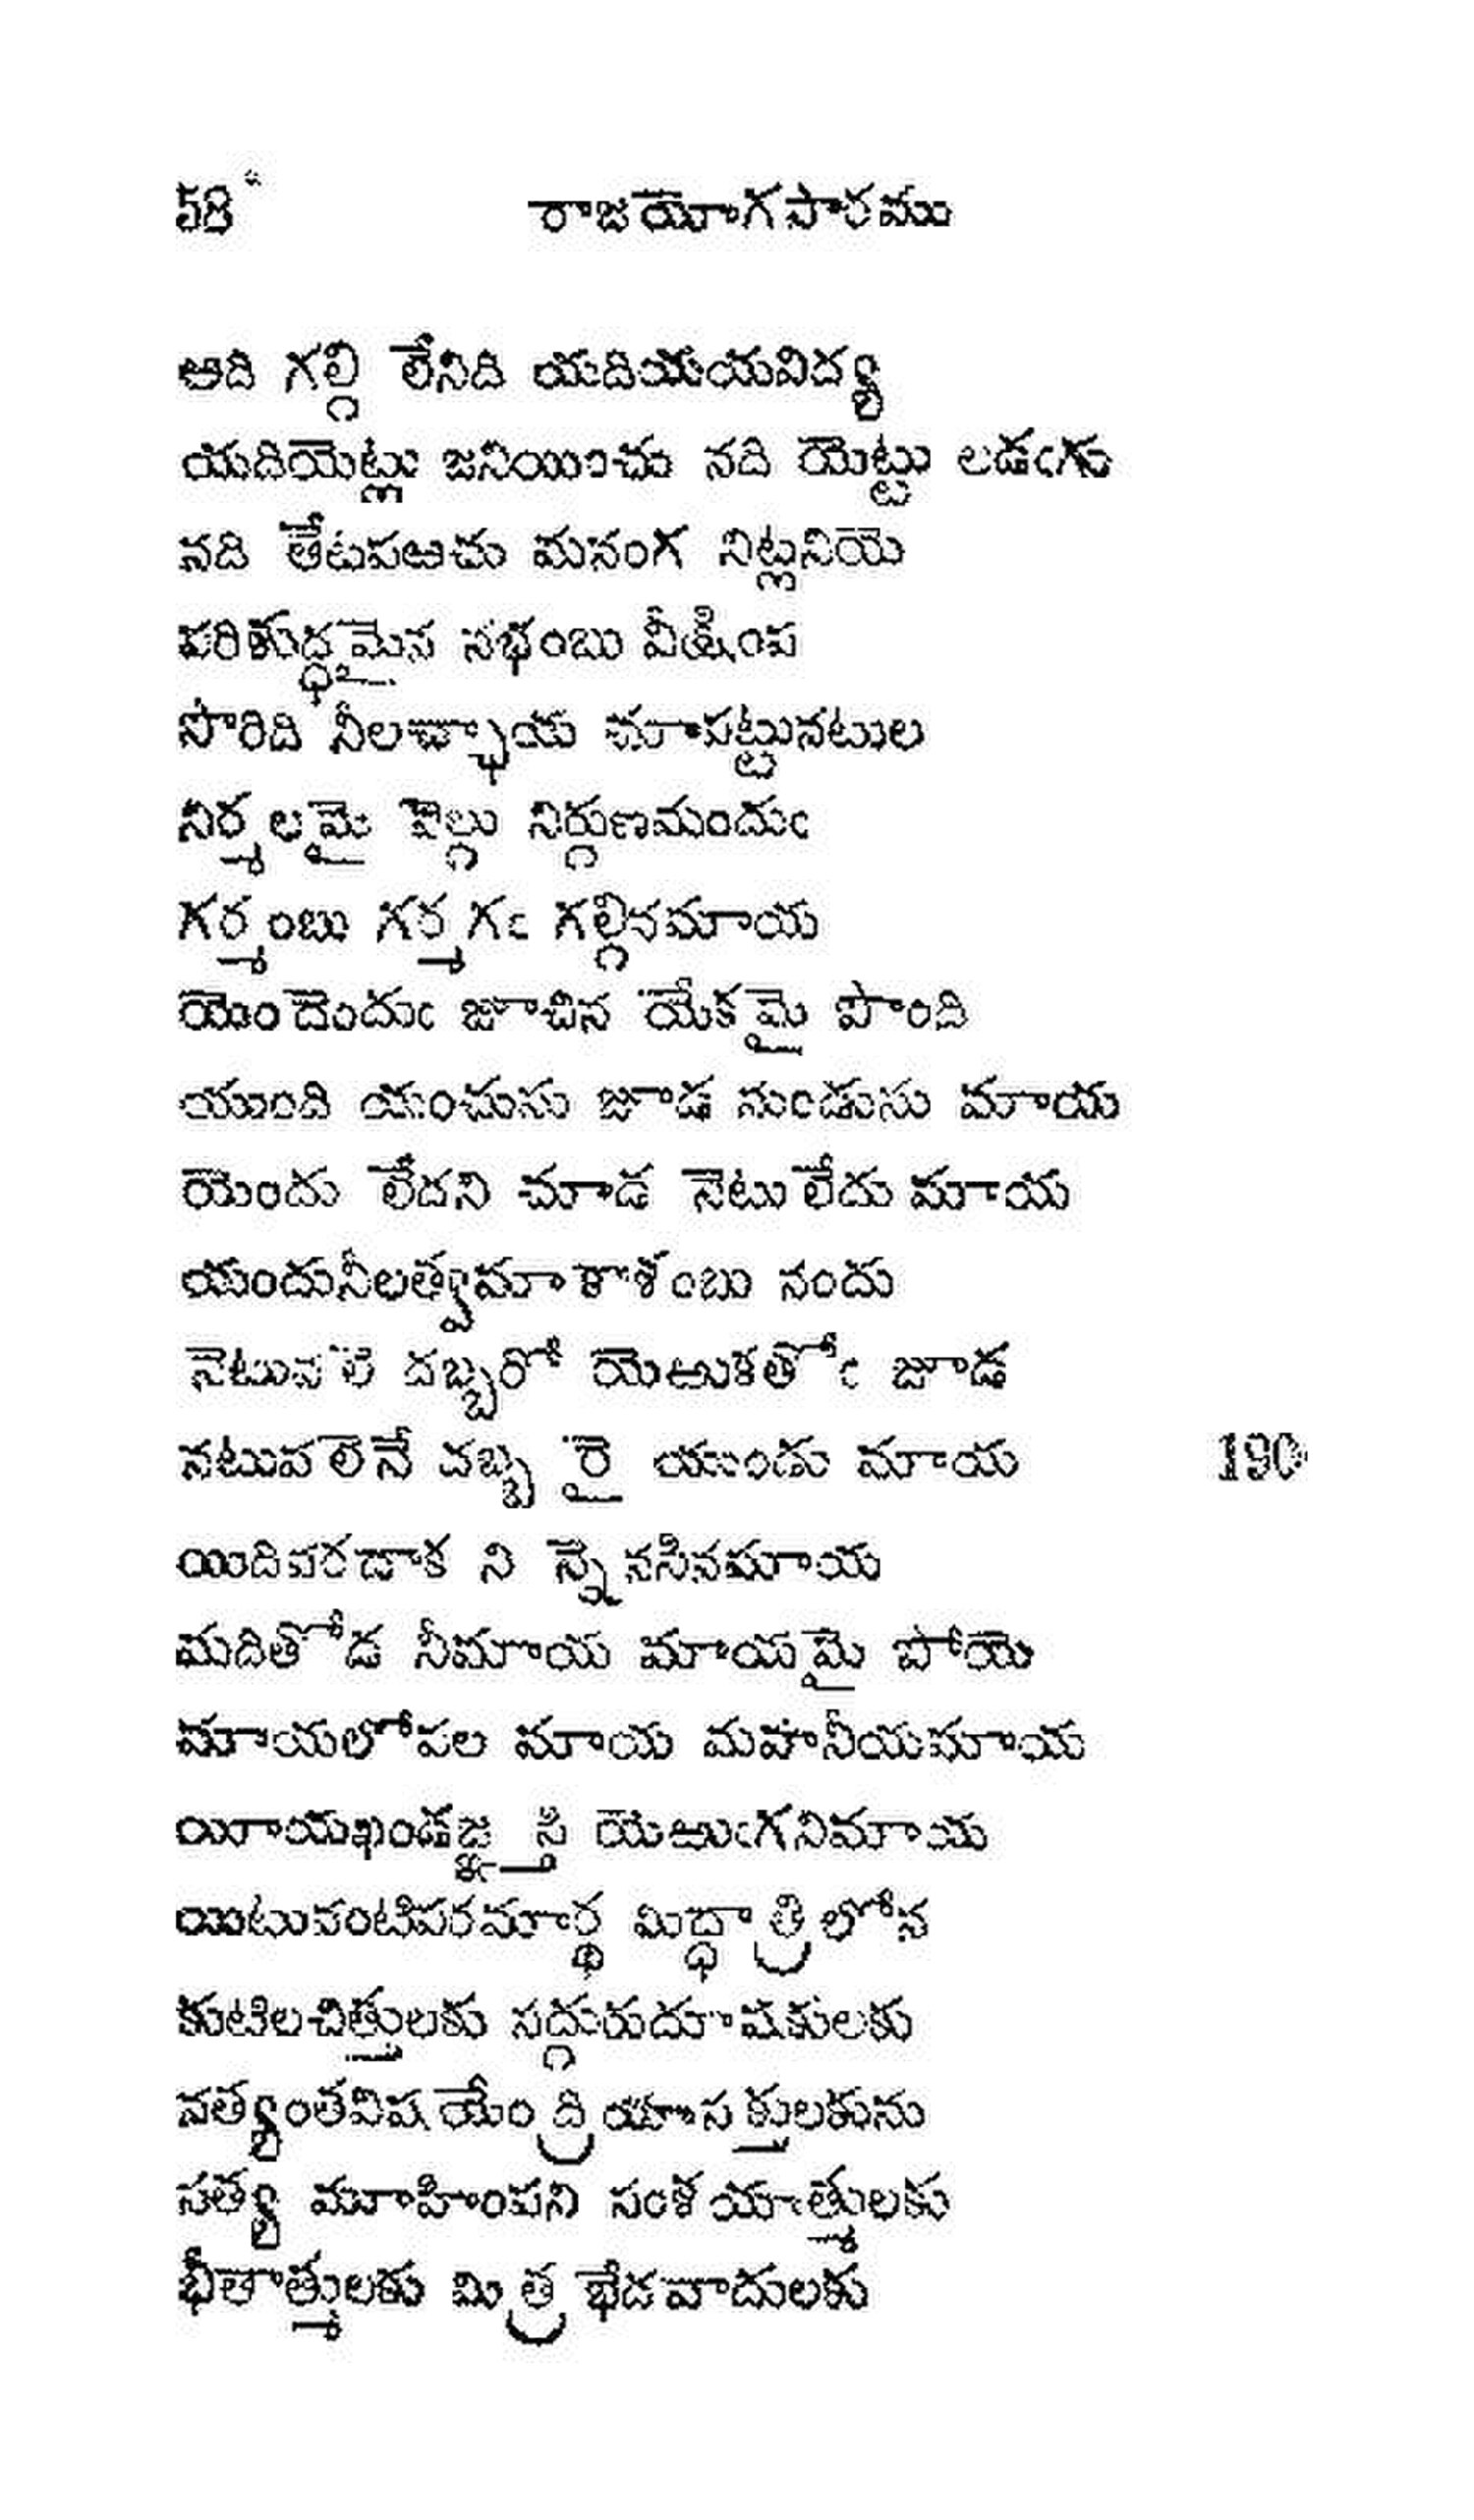అది గల్గి లేనిది యదియ యవిద్య
యది యెట్లు జనియించు నది యెట్టు లడఁగు
నది తేటపఱచు మనంగ నిట్లనియె. 
పరిశుద్ధమైన నభంబు వీక్షింప
సొరిది నీలచ్ఛాయ చూపట్టునటుల
నిర్మలమై వెల్గు నిర్గుణమందు
గర్మంబు గర్మగఁ గల్గినమాయ
యెందెందుఁ జూచిన యేకమై పొంది
యుంది యంచును జూడ నుండును మాయ
యెందు లేదని చూడ నెటులేదు మాయ
యందు నీలత్వ మాకాశంబునందు
నెటువలె దబ్బరో యెఱుకతోఁ జూడ
నటువలెనే దబ్బ రై యుండు మాయ
యిదివరదాక ని న్నెనసినమాయ
మదితోడ నీమాయ మాయమై పోయె
మాయలోపల మాయ మహనీయమాయ
యీయఖండజ్ఞప్తి యెఱుఁగనిమాయ
యిటువంటిపరమార్థ మిద్ధాత్రిలోన
కుటిలచిత్తులకు సద్గురుదూషకులకు
నత్యంతవిషయేంద్రియాసక్తులకును
సత్య మూహింపని సంశయాత్ములకు
భీతాత్ములకు మిత్రభేదవాదులకు